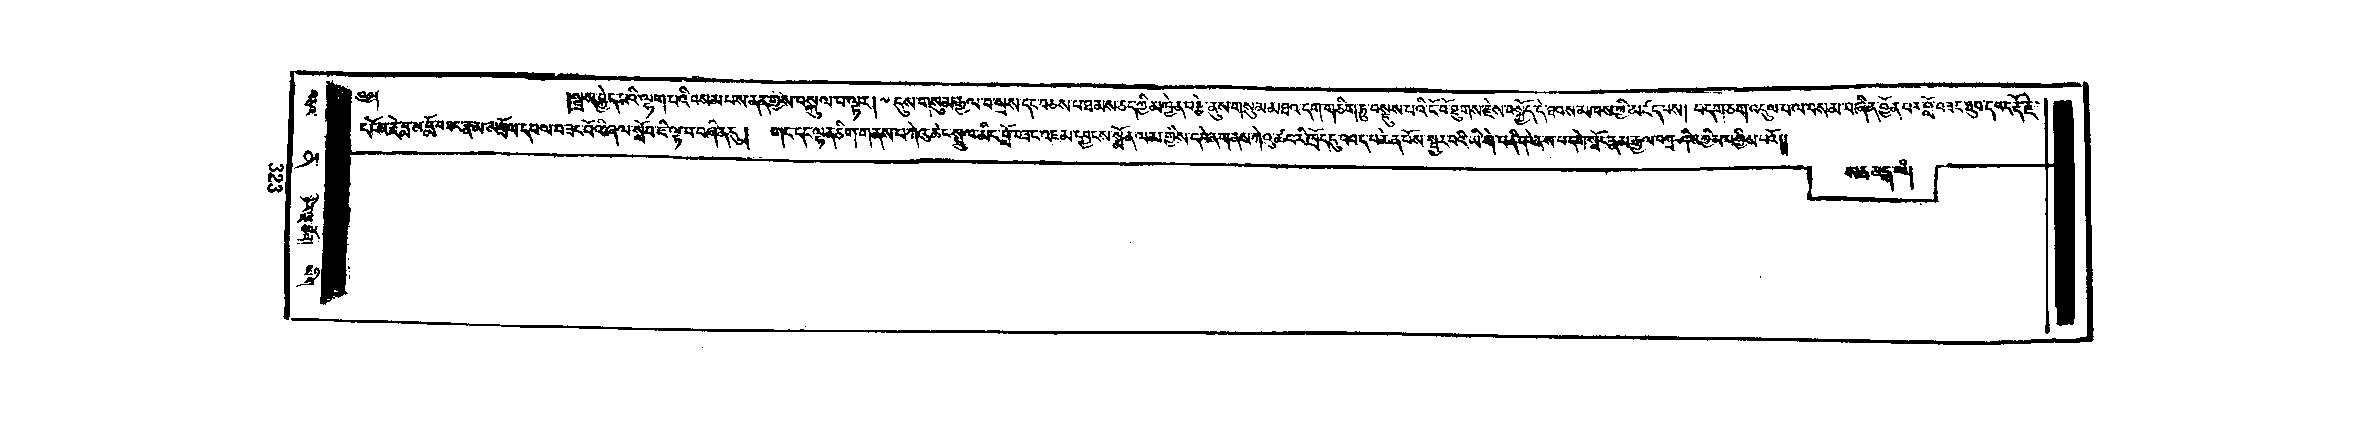༄༅། །སྤྲས་སྐྱེད་པའི་ལྷག་པའི་བསམ་པས་ནན་གྱིས་བསྐུལ་བ་ལྟར། དུས་གསུམ་རྒྱལ་བ་སྲས་དང་བཅས་པ་ཐམས་ཅད་ཀྱི་མཁྱེན་བརྩེ་ནུས་གསུམ་མཐའ་དག་གཅིག་ཏུ་བསྡུས་པའི་ངོ་བོ་ཐུགས་རྗེས་བསྐྱོད་དེ་ཐབས་མཁས་ཀྱི་མཛད་པས། བདག་ཅག་འདུལ་བ་ལ་བསམ་བཞིན་བྱོན་པར་བློ་བཟང་ཐུབ་དབང་རྡོ་རྗེ་
དངོས་རྗེ་བླ་མ་བློ་བཟང་རྣམ་མགྲོལ་དཔལ་བཟང་པོའི་ཞལ་སློབ་ཇི་ལྟ་བ་བཞིན་དུ། གང་དང་ལྷན་ཅིག་གནས་པ་ཀེའུ་ཚང་སྤྲུལ་མིང་བློ་བཟང་འཇམ་དབྱངས་སྨོན་ལམ་གྱིས་དབེན་གནས་ཀེའུ་ཚང་རི་ཁྲོད་དུ་འབད་པ་ཆེན་པོས་སྦྱར་བའི་ཡི་གེ་པ་ནི་དབེན་ས་པ་དགེ་སློང་རྣམ་རྒྱལ་བཀྲ་ཤིས་ཀྱིས་མ་བགྱིས་པའོ།། སརྦ་མངྒལཾ།